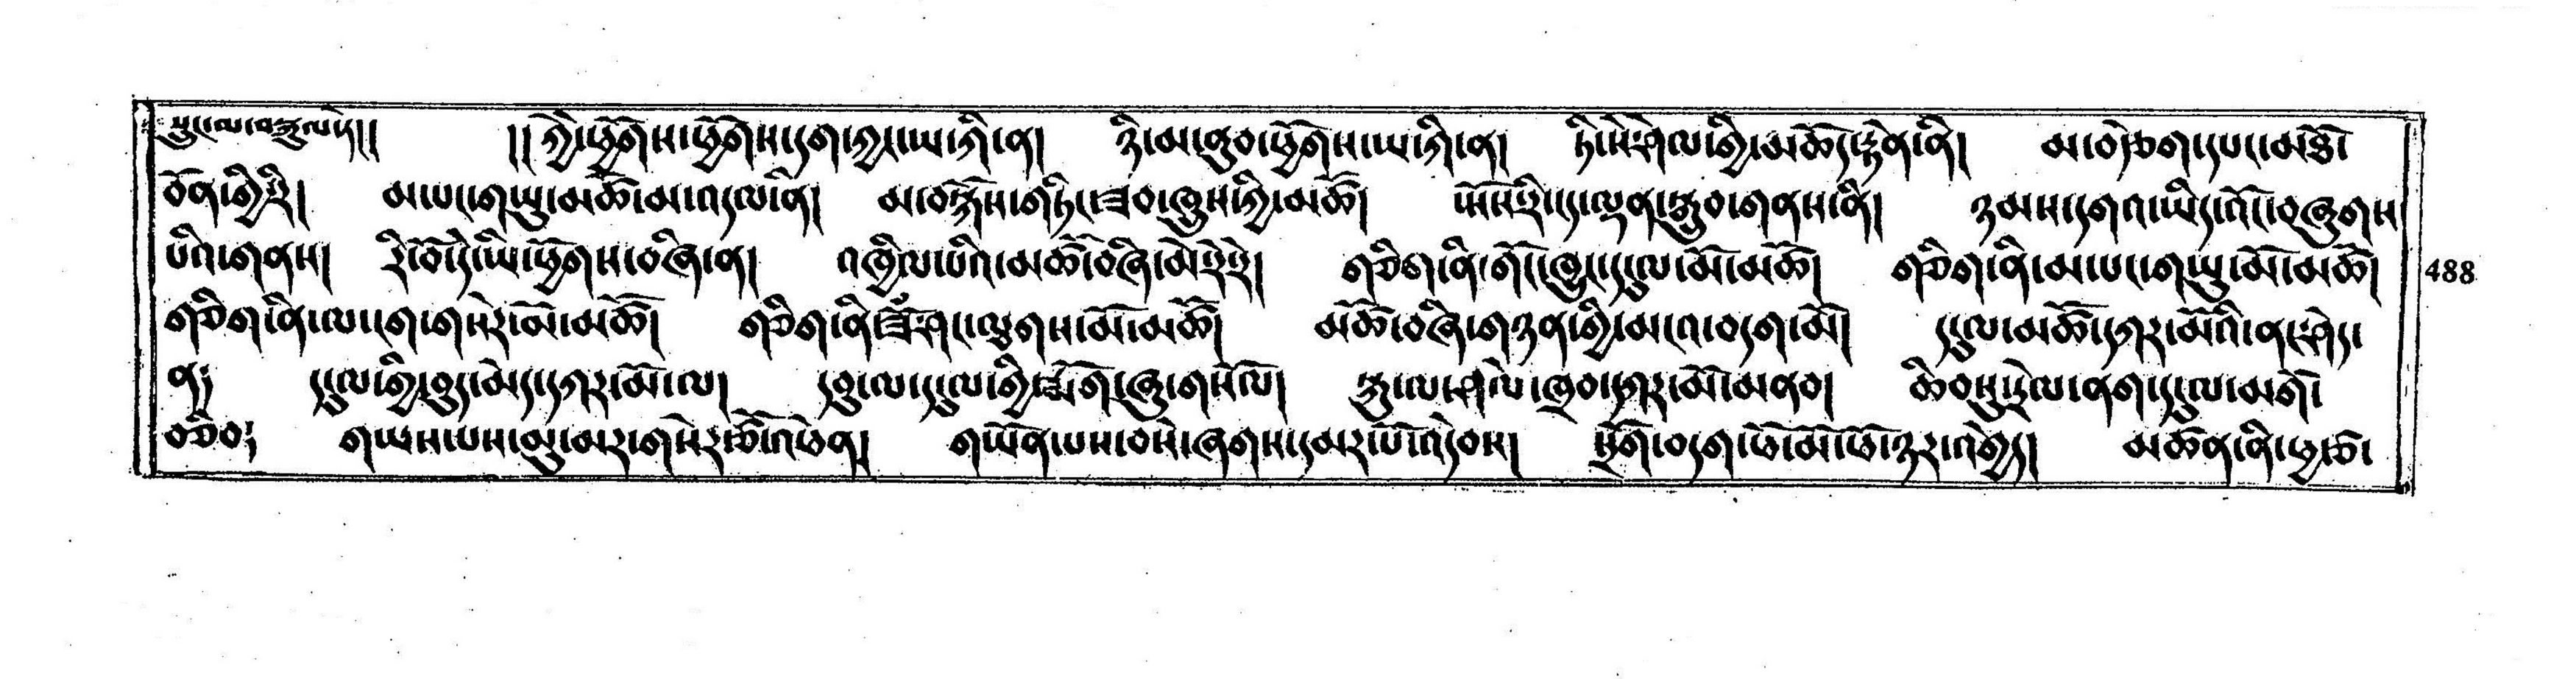སྲུང་མ་བསྐུལ་ཏེ།། །།ཀྱཻ་ཕྱོགས་ཕྱོགས་དག་ཀྱང་ཡ་ཀི་ན། ཉི་མ་ནུབ་ཕྱོགས་ཡ་ཀི་ན། ཏི་སེ་ཤེལ་གྱི་མཆོད་རྟེན་ནི། མ་བརྩེག་དཔང་མཐོ་
བོན་གྱི་རི། མ་པང་གཡུ་མཚོ་མ་འདལ་ནི། མ་བསྐོས་གཏིང་ཟབ་ཁྲུས་ཀྱི་མཚོ། སྤོས་རི་ངད་ལྡན་སྒྲུབ་གནས་ནི། ཉམས་དགའ་ཡིད་འོང་བཞུགས་
པའི་གནས། རི་བོ་དེ་ཡི་ཕྱོགས་བཞི་ན། འཁྱིལ་པའི་མཚོ་བཞི་མེ་རེ་རེ། གཅིག་ནི་གོང་ཁྱུང་དངུལ་མོ་མཚོ། གཅིག་ནི་མ་པང་གཡུ་མོ་མཚོ། 
གཅིག་ནི་ལ་ངག་གསེར་མོ་མཚོ། གཅིག་ནི་ཟོཾ་ཤང་ལྕགས་མོ་མཚོ། མཚོ་བཞི་གཉན་གྱི་མངའ་བདག་མོ། དངུལ་མཚོ་དཀར་མོའི་ནང་ཤེད་
ན། དངུལ་གྱི་བུད་མེད་དཀར་མོ་ལ། དབུ་ལ་དངུལ་གྱི་རྨོག་ཞུ་{502}གསོལ། སྐུ་ལ་ཤེལ་ཁྲབ་དཀར་མོ་མནབ། ཆིབས་སུ་དྲེལ་ནག་དངུལ་མགོ་
བཅིབ། གཡས་པས་མུ་མར་གསེར་ཙོ་འཕེན། གཡོན་པས་བསེ་ཞགས་དམར་པོ་འདེབས། སྲོག་བདག་ཕོ་མོ་ཕོ་ཉར་འགྱེད། མཚན་ནི་ཕྱ་ཙ་